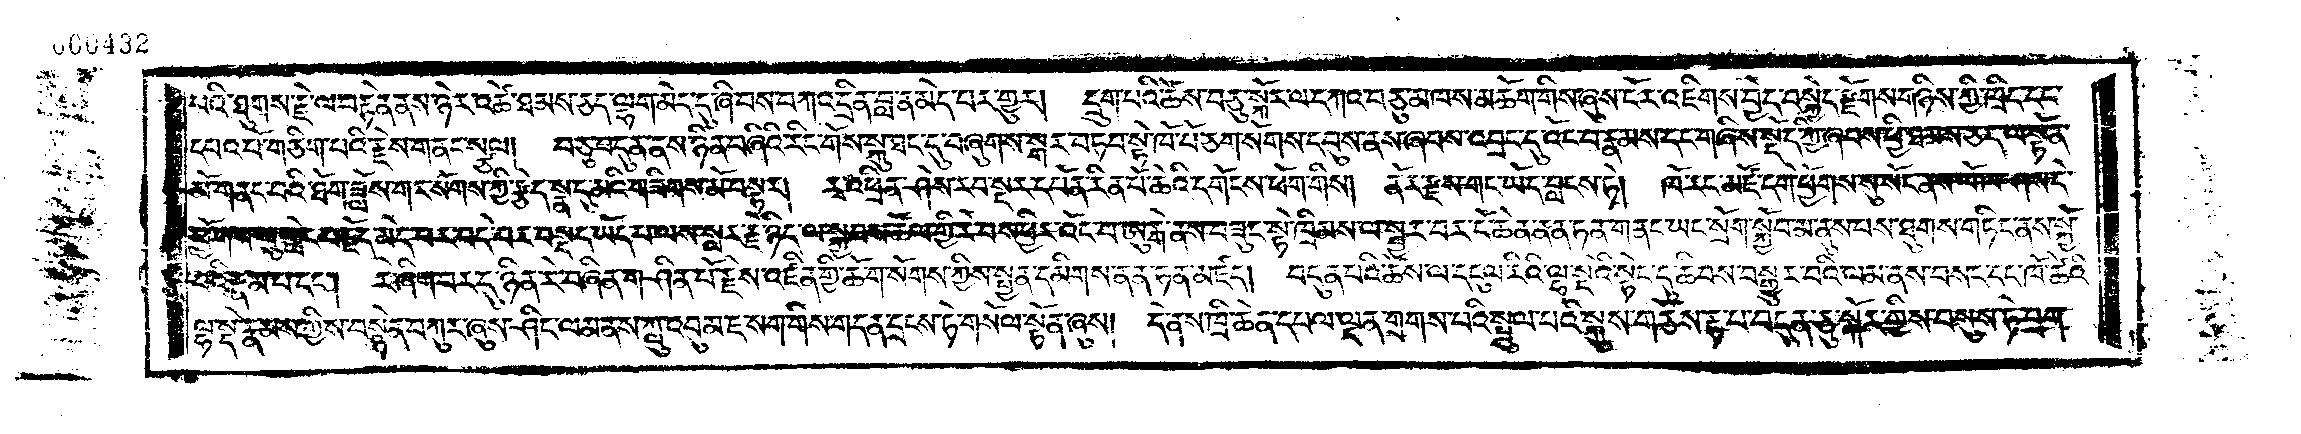པའི་ཐུགས་རྗེ་ལ་བརྟེན་ནས་ཉེར་འཚེ་ཐམས་ཅད་ལྷག་མེད་དུ་ཞིབས་བཀའ་དྲིན་བླ་ན་མེད་པར་གྱུར། དྲུག་པའི་ཚེས་བཅུ་སྐོར་ལ་དཀའ་བཅུ་མཁས་མཆོག་གིས་ཞུས་ངོར་འཇིགས་བྱེད་བསྐྱེད་རྫོགས་གཉིས་ཀྱི་ཁྲིད་དང་
དཔའ་པོ་གཅིག་པའི་རྗེས་གནང་སྩལ། བཅུ་བདུན་ནས་ཉིན་བཞིའི་རིང་གོས་སྐུ་ཐང་དུ་བཞུགས་སྒར་བཏབ་སྟེ་ཁོ་པོ་ཅག་སོགས་དབུས་ནས་ཞབས་འབྲང་དུ་འོང་བ་རྣམས་དང་གཞིས་སྡོད་ཀྱི་ཞབས་ཕྱི་ཐམས་ཅད་ལ་སྟོན་
མོ་གནང་བའི་ཐོག་ཟློས་གར་སོགས་ཀྱི་རྩེད་སྣ་དུ་མའི་གཟིགས་མོ་བསྟར། རྭ་འཕྲིན་ཤེས་རབ་སྔར་དཔོན་རིན་པོ་ཆེའི་དགོངས་ཕོག་གིས། ནོར་རྫས་གང་ཡོད་བླངས་ཏེ། ཁོ་རང་མཛོ་དགེ་ཕྱོགས་སུ་སོང་ནས་ལོ་ཁ་ཤས་དེ་
ཕྱོགས་སུ་གླེང་བརྗོད་མེད་པར་བདེ་བར་བསྡད་ཡོད་པ་ལས་སླར་རྗེ་ཉིད་ལ་སྐྱབས་ཆོལ་གྱི་རེ་བས་ཕྱིར་འོང་པ་ཨུརྒེ་ནས་བཟུང་སྟེ་ཁྲིམས་ལ་སྦྱར་བར་ངོ་ཆེན་ནན་ཏན་གནང་ཡང་སྲོག་སྐྱོབ་མ་ནུས་པས་ཐུགས་གཏིང་ནས་སྐྱོ་
བའི་རྣམ་པ་དང་། རེ་ཞིག་བར་དུ་ཉིན་རེ་བཞིན་གཤིན་པོ་རྗེས་འཛིན་གྱི་ཆོ་ག་སོགས་ཀྱིས་སྤྱན་དམིགས་ནན་ཏན་མཛད། བདུན་པའི་ཚེས་ལ་དངུལ་རིའི་ལྷ་སྡེའི་སྟེང་དུ་ཆིབས་བསྒྱུར་བའི་ལམ་ནས་བསང་དང་ཁོ་ཚེའི་
ལྷ་སྡེ་རྣམས་ཀྱིས་བསྙེན་བཀུར་ཞུས་ཤིང་ལམ་ནས་ཀླུ་འབུམ་ཇ་སག་གིས་གདན་དྲངས་ཏེ་གསོལ་སྟོན་ཞུས། དེ་ནས་ཁྲི་ཆེན་དཔལ་ལྡན་གྲགས་པའི་སྤྲུལ་པའི་སྐུས་གཅོས་རྟ་པ་བདུན་ཅུ་སྐོར་གྱིས་བསུས་ཏེ་བྲག་